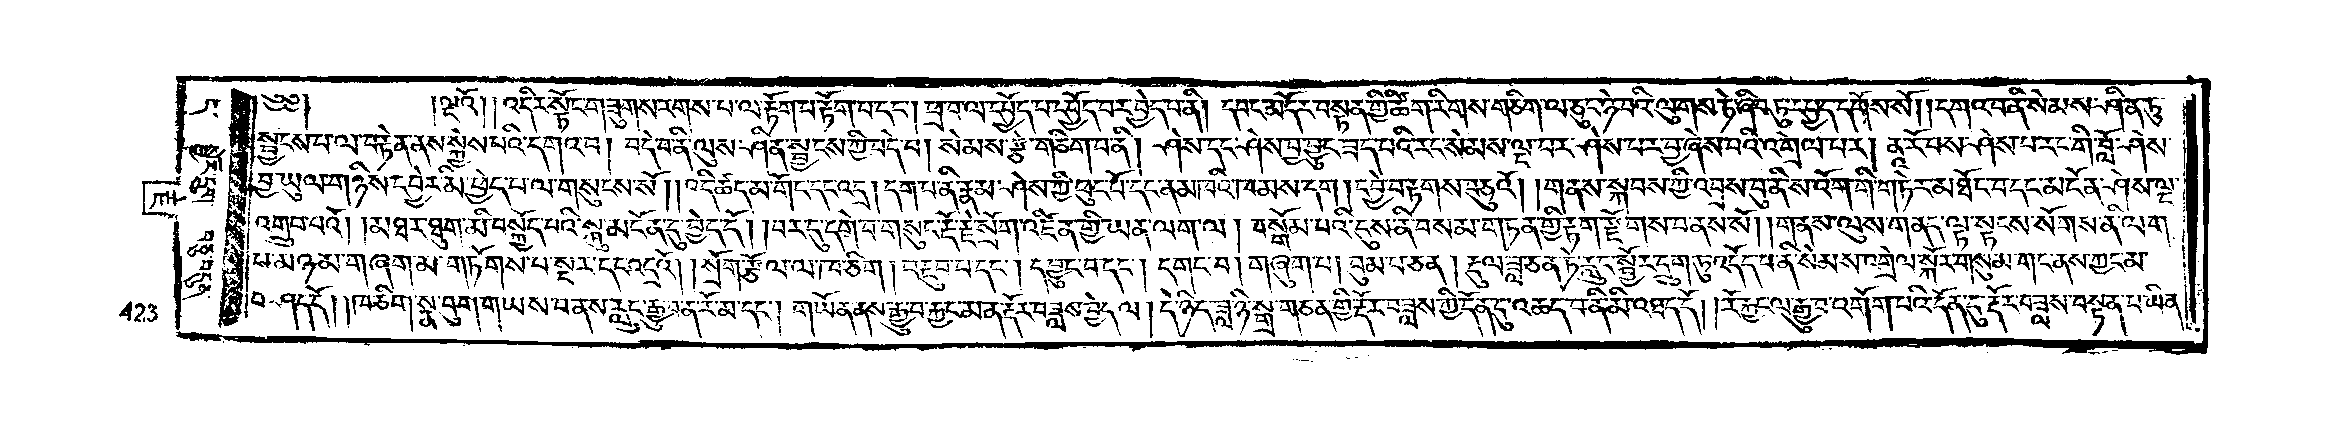༄༅། །ལྔའོ། །འདིར་སྟོང་གཟུགས་རགས་པ་ལ་རྟོག་པ་རྟོག་པ་དང་། ཕྲ་བ་ལ་དཔྱོད་པ་དཔྱོད་པར་བྱེད་པ་ནི། དབང་མདོར་བསྟན་གྱི་ཚིག་རིགས་གཅིག་ལ་ཅུང་ཉེ་བའི་ལུགས་ཏེ་ཞིབ་ཏུ་དཔྱད་དགོས་སོ། །དགའ་བ་ནི་སེམས་ཤིན་ཏུ་
སྦྱངས་པ་ལ་བརྟེན་ནས་སྐྱེས་པའི་དགའ་བ། བདེ་བ་ནི་ལུས་ཤིན་སྦྱངས་ཀྱི་བདེ་བ། སེམས་རྩེ་གཅིག་པ་ནི། ཤེས་དང་ཤེས་བྱ་བྱུང་ཟད་པའི་རང་སེམས་ལྔ་བར་ཤེས་པར་བྱ་ཞེས་བའི་འགྲེལ་པར། ནཱ་རོ་བས་ཤེས་པ་རང་གི་བློ་ཤེས་
བྱ་ཡུལ་གཉིས་དབྱེར་མི་ཕྱེད་པ་ལ་གསུངས་སོ། །འདི་ཚད་མ་གོང་དང་འདྲ། དག་པ་ནི་རྣམ་ཤེས་ཀྱི་ཕུང་པོ་དང་ནམ་མཁའི་ཁམས་དག །དབྱེ་བ་རྟགས་བཅུའོ། །གནས་སྐབས་ཀྱི་འབྲས་བུ་ནི་ས་འོག་གི་གཏེར་མཐོང་བ་དང་མངོན་ཤེས་ལྔ་
འགྲུབ་པའོ། །མཐར་ཐུག་མི་བསྐྱོད་པའི་སྐུ་མངོན་དུ་བྱེད་དོ། །བར་དུ་དགེ་བ་གསུང་རྡོ་རྗེ་སྲོག་འཛིན་གྱི་ཡན་ལག་ལ། བསྒོམ་པའི་དུས་ནི་བསམ་གཏན་གྱི་རྟག་རྫོགས་པ་ནས་སོ། །གནས་ལུས་གནད་ལྟ་སྟངས་སོགས་ནི་ལག་
པ་མཉམ་གཞག་མ་གཏོགས་པ་སྔར་དང་འདྲའོ། །སྲོག་རྩོལ་ལ་ཁ་ཅིག །བརྡུབ་པ་དང་། དབྱུང་བ་དང་། དགང་བ། གཞུག་པ། བུམ་པ་ཅན། རྡུལ་ཟླ་ཅན་ཏེ་རླུང་སྦྱོར་དྲུག་ཏུ་འདོད་པ་ནི་སེམས་འགྲེལ་སྐོར་གསུམ་གང་ནས་ཀྱང་མ་
བཤད་དོ། །ཁ་ཅིག་སྣ་བུག་གཡས་པ་ནས་རླུང་རྒྱུ་བ་ན་རོ་མ་དང་། གཡོན་ནས་རྒྱུ་བ་རྐྱང་མ་ན་རྡོར་བཟླས་བྱེད་ལ། དེ་ཉིད་ཟླ་ཉི་སྒྲ་གཅན་གྱི་རྡོར་བཟླས་ཀྱི་དོན་དུ་འཆད་པ་ནི་མི་འཐད་དོ། །རོ་རྐྱང་ལ་རྒྱུ་བ་འགོག་པའི་དོན་དུ་རྡོར་བཟླས་བསྟན་པ་ཡིན་